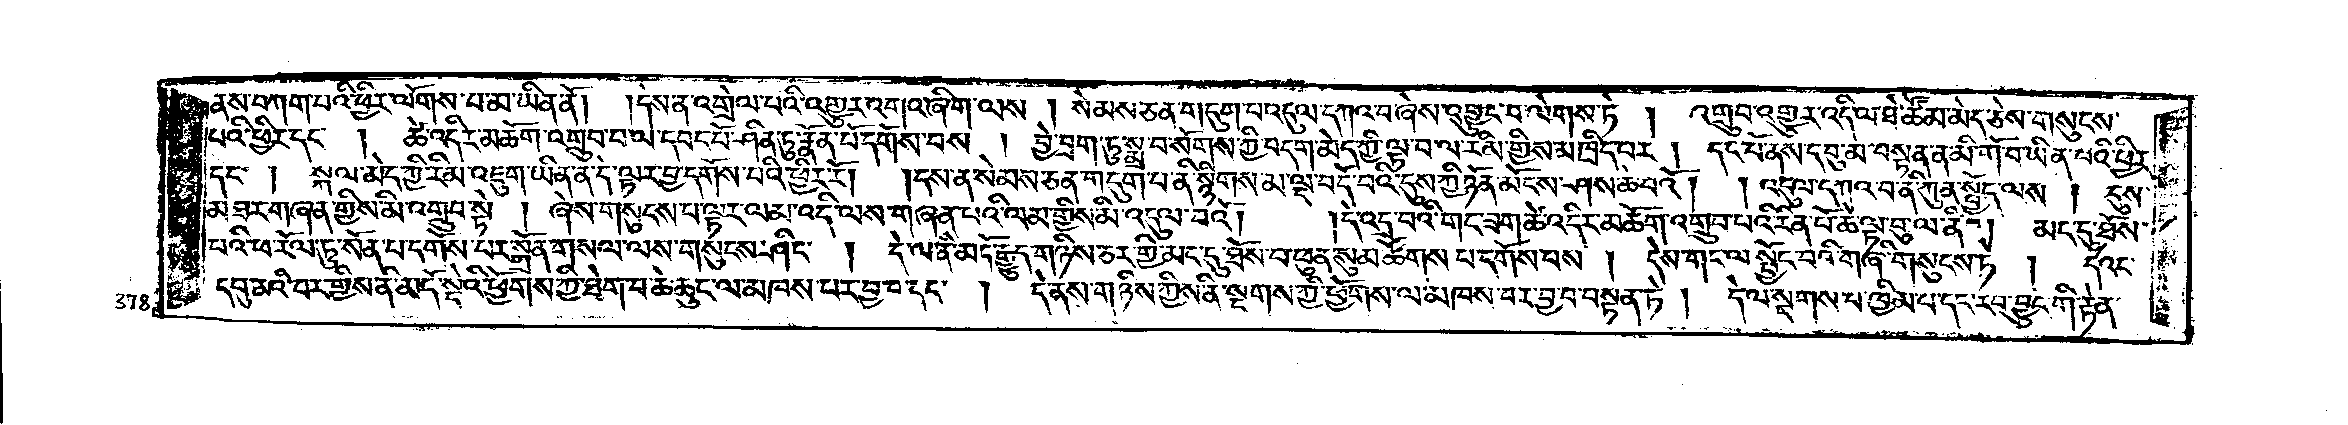ནས་བཀག་པའི་ཕྱིར་ལོགས་པ་མ་ཡིན་ནོ། །དེས་ན་འགྲེལ་པའི་འགྱུར་འགའ་ཞིག་ལས། སེམས་ཅན་གདུག་པ་འདུལ་དཀའ་བ་ཞེས་འབྱུང་བ་ལེགས་ཏེ། འགྲུབ་འགྱུར་འདི་ལ་ཐེ་ཚོམ་མེད་ཅེས་གསུངས་
པའི་ཕྱིར་དང་། ཚེ་འདིར་མཆོག་འགྲུབ་པ་ལ་དབང་པོ་ཤིན་ཏུ་རྣོན་པོ་དགོས་པས། བྱེ་བྲག་ཏུ་སྨྲ་བ་སོགས་ཀྱི་བདག་མེད་ཀྱི་ལྟ་བ་ལ་རིམ་གྱིས་མཁྲིད་པར། དང་པོ་ནས་དབུ་མ་བསྟན་ན་མི་གོ་བ་ཡིན་པའི་ཕྱིར་
དང་། སྐལ་མེད་ཀྱི་རིམ་འཇུག་ཡིན་ན་དེ་ལྟར་བྱ་དགོས་པའི་ཕྱིར་རོ། །དས་ན་སེམས་ཅན་གདུག་པ་ནི་སྙིགས་མ་ལྔ་བདོ་བའི་དུས་ཀྱི་ཉོན་མོངས་ཤས་ཆེ་བའོ། །འདུལ་དཀའ་བ་ནི་ཀུན་སྤྱོད་ལས། དུས་
མཐར་གཞན་གྱིས་མི་འགྲུབ་སྟེ། ཞེས་གསུངས་པ་ལྟར་ལམ་འདི་ལས་གཞན་པའི་ལམ་གྱིས་མི་འདུལ་བའོ། །དེ་འདྲ་བའི་གང་ཟག་ཚེ་འདིར་མཆོག་འགྲུབ་པའི་རིན་པོ་ཆེ་ལྟ་བུ་ལ་ནི། ?་མང་དུ་ཐོས་
པའི་ཕ་རོལ་ཏུ་སོན་པ་དགོས་པར་སྒྲོན་གསལ་ལས་གསུངས་ཤིང་། དེ་ལ་ནི་མདོ་རྒྱུད་གཉིས་ཅར་གྱི་མང་དུ་ཐོས་པ་ཕུན་སུམ་ཚོགས་པ་དགོས་པས། དེས་གང་ལ་སྤྱོད་པའི་གཞི་གསུངས་ཏེ། དེའང་
དབུ་མའི་བར་གྱིས་ནི་མདོ་སྡེའི་ཕྱོགས་ཀྱི་ཐེག་པ་ཆེ་ཆུང་ལ་མཁས་པར་བྱ་བ་དང་། དེ་ནས་གཉིས་ཀྱིས་ནི་སྔགས་ཀྱི་ཕྱོགས་ལ་མཁས་པར་བྱ་བ་བསྟན་ཏེ། དེ་ལ་སྔགས་པ་ཁྱིམ་པ་དང་རབ་བྱུང་གི་རྟེན་